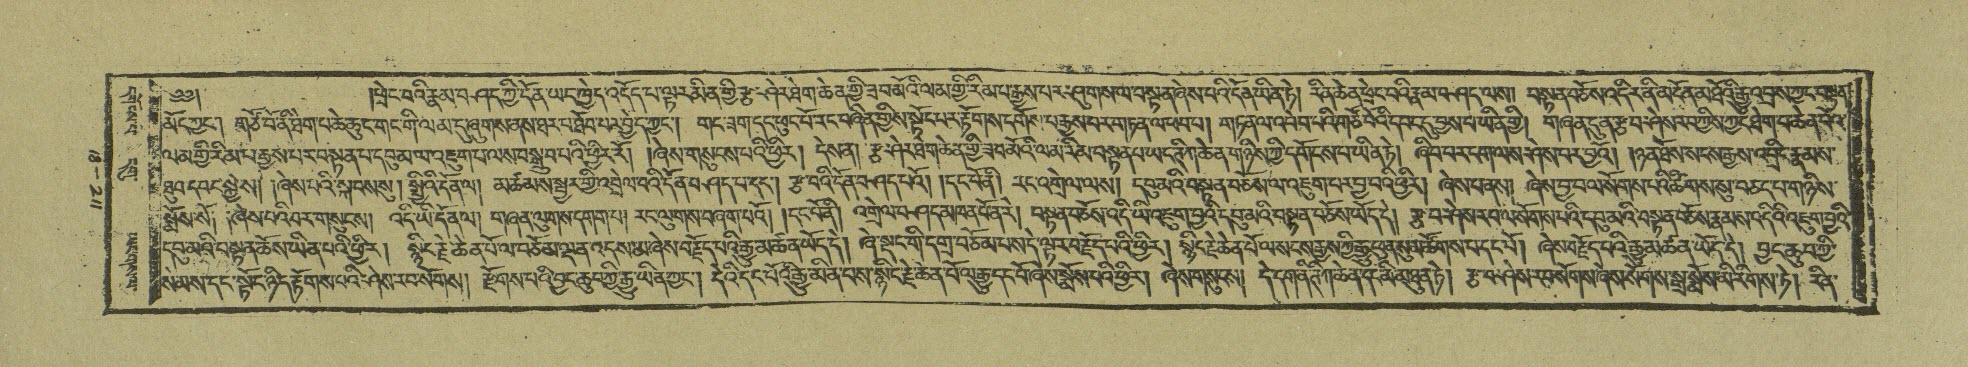༄༅། །ཕྲེང་བའི་རྣམ་བཤད་ཀྱི་དོན་ཡང་ཁྱེད་འདོད་པ་ལྟར་མིན་གྱི་རྩ་ཤེར་ཐེག་ཆེན་གྱི་ཟབ་མོའི་ལམ་གྱི་རིམ་པར་རྒྱས་པར་ཤུགས་ལ་བསྟན་ཞེས་པའི་དོན་ཡིན་ཏེ། རིན་ཆེན་ཕྲེང་བའི་རྣམ་བཤད་ལས། བསྟན་བཅོས་འདིར་ནི་མངོན་མཐོའི་རྒྱུ་འབྲེས་ཀྱང་བསྟན་
མོད་ཀྱང་། གཙོ་བོ་ནི་ཐེག་པ་ཆེ་ཆུང་ལ་ང་གི་ལམ་དུ་ཞུགས་ནས་ཐར་བ་ཐོབ་པར་བྱེད་ཀྱང་། གང་ཟག་དང་ཕུང་པོ་རང་བཞིན་ཀྱིས་སྟོང་བར་རྟོགས་དགོས་པ་རྒྱས་པར་ཏན་ལ་ཕབ་པ། གཏན་ལ་འབབ་པའི་གཙོ་བོའི་དབང་དུ་བྱས་པ་ཡིན་གྱི། གཞན་དུ་ན་རྩ་བ་ཤེས་རབ་ཀྱིས་ཀྱང་ཐེག་པ་ཆེན་པོའི་
ལམ་གྱི་རིམ་པ་རྒྱས་པ་བསྟན་པ་དབུ་མ་ལ་འཇུག་པ་ལས་བསྒྲུབ་པའི་ཕྱིར་རོ། །ཞེས་གསུང་བའི་ཕྱིར། དེས་ན། རྩ་ཤེར་ཐེག་ཆེན་གྱི་ཟབ་མོའི་ལམ་རིམ་བསྟན་པ་ཡང་ཊཱིཀ་ཆེན་གཉིས་ཀྱི་དགོངས་པ་ཡིན་ཏེ། ཞིབ་བར་དག་ལས་ཤེས་པར་བྱའོ། །ཉན་ཐོས་སངས་རྒྱས་འབྲིང་རྣམས་
ཐུབ་དབང་སྐྱེས། །ཞེས་པའི་སྐབས་སུ། སྤྱིའི་དོན་ལ། མཚམས་སྦྱར་གྱི་འབྲེལ་བའི་དོན་བཤད་པ་དང་། རྩ་བའི་དོན་བཤད་པའོ། །དང་པོ་ནི། རང་འགྲེལ་ལས། དབུ་མའི་བསྟན་བཅོས་ལ་འཇུག་པར་བྱ་བའི་ཕྱིར། ཞེས་པ་ནས། ཞེས་བྱ་བ་ལ་སོགས་པའི་ཚིགས་སུ་བཅད་པ་གཉིས་
སྨོས་སོ། །ཞེས་པའི་བར་གསུགནས། འདི་ཡི་དོན་ལ། གཞན་ལུགས་དགག་པ། རང་ལུགས་ཞག་པའོ། །དང་པོ་ནི། འགྲེལ་བཤད་མཁན་པོ་ན་རེ། བསྟན་བཅོས་འདི་ཡི་འཇུག་བྱའི་དབུ་མའི་བསྟན་བཅོས་ཡོད་དེ། རྩ་བ་ཤེས་རབ་ལ་སོགས་པའི་དབུ་མའི་བསྟན་བཅོས་རྣམས་འདིའི་འཇུག་བྱའི་
དབུ་མའི་བསྟན་ཆོས་ཡིན་པའི་ཕྱིར། སྙིང་རྗེ་ཆེན་པོ་ལ་བཅོམ་ལྡན་འདས་མ་ཞེས་འདྲད་པའི་རྒྱུ་མཚན་ཡོད་དེ། ཞེ་སྡང་གི་དགྲ་བཅོམ་པས་དེ་ལྟར་བརྗོད་པའི་ཕྱིར། སྙིང་རྗེ་ཆེན་པོ་ལ་སངས་རྒྱས་ཀྱི་རྒྱུ་ཕུན་སུམ་ཚོགས་པ་དང་བོ། ཞེས་བརྗོད་པའི་རྒྱུ་མཚན་ཡོད་དེ། བྱང་ཆུབ་ཀྱི་
སེམས་དང་སྟོང་ཉིད་རྟོགས་པའི་ཤེས་རབ་སོགས། རྫོགས་པའི་བྱང་ཆུབ་ཀྱི་རྒྱུ་ཡིན་ཀྱང་། དེའི་དང་པོའི་རྒྱུ་མིན་པས་སྙིང་རྗེ་ཆེན་པོ་ལ་རྒྱུ་དང་པོ་ཞེས་སྨོས་པའི་ཕྱིར། ཞེས་གསུགནས། དེ་དག་ནི་ཊིཀ་ཆེན་དང་མི་མཐུན་ཏེ། རྩ་བ་ཤེས་རབ་སོགས་ཞེས་སོགས་སྒྲ་སྨོས་མི་རིགས་ཏེ། རིན་